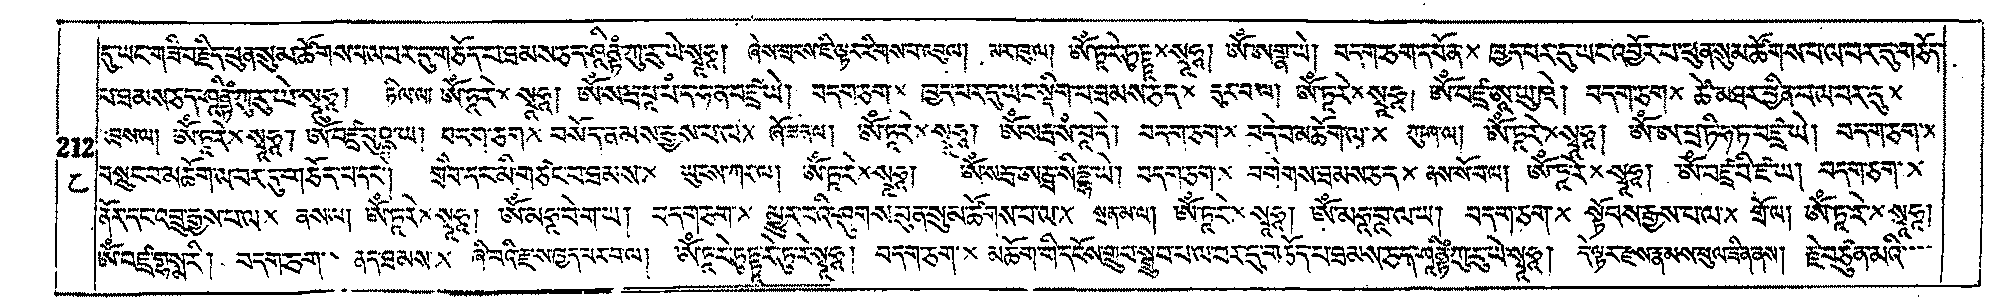དུ་ཡང་གཟི་བརྗིད་ཕུན་སུམ་ཚོགས་པ་ལ་བར་དུ་གཅོད་པ་ཐམས་ཅད་ཤཱནྟིཾ་ཀུ་རུ་ཡེ་སྭཱཧཱ། ཞེས་གྲངས་ཇི་ལྟར་རིགས་པ་འབུལ། མར་ཁུ་ལ།  ཨོཾ་ཏཱ་ཏེ་ཏུ་ཏྟཱ་྾་སྭཱ་ཧཱ། ཨོཾ་ཨགན་ཡེ། བདག་ཅག་དཔོན་྾་ཁྱད་པར་དུ་ཡང་འབྱོར་པ་ཕུན་སུམ་ཚོགས་པ་ལ་བར་དུ་གཅོད་
པ་ཐམས་ཅད་ཤཱནྟིཾ་ཀུ་རུ་ཡེ་སྭཱཧཱ། ཏིལ་ལ།  ཨོཾ་ཏཱ་རེ་྾་སྭཱཧཱ། ཨོཾ་སརྦ་པཱ་པཾ་ད་ཧ་ན་བཛྲ་ཡེ། བདག་ཅག་྾་ཁྱད་པར་དུ་ཡང་སྡིག་པ་ཐམས་ཅད་྾་དུར་བ་ལ། ཨོཾ་ཏཱ་རེ་྾་སྭཱཧཱ། ཨོཾ་བཛྲ་ཨཱ་ཡུ་ཥེ། བདག་ཅག་྾་ཚེ་མཐར་ཕྱིན་པ་ལ་བར་དུ་྾་
འབྲས་ལ། ཨོཾ་ཏཱ་རེ་྾་སྭཱཧཱ། ཨོཾ་བཛྲ་པུཥྚ་ཡ། བདག་ཅག་྾་བསོད་ནམས་རྒྱས་པ་ལ་྾་ཞོ་ཟན་ལ། ཨོཾ་ཏཱ་རེ་྾་སྭཱཧཱ། ཨོཾ་སརྦ་སཾ་བཱ་དེ། བདག་ཅག་྾་བདེ་བ་མཆོག་ལ་྾་ཀུ་ཤ་ལ།  ཨོཾ་ཏཱ་རེ་྾་སྭཱཧཱ། ཨོཾ་ཨ་པྲ་ཏི་ཧ་ཏ་བཛྲ་ཡེ། བདག་ཅག་྾་
བསྲུང་བ་མཆོག་ལ་བར་དུ་གཅོད་པ་དང་། གྲིབ་དང་མི་གཙང་བ་ཐམས་྾་ཡུངས་ཀར་ལ། ཨོཾ་ཏཱ་རེ་྾་སྭཱཧཱ། ཨོཾ་སརྦ་ཨརྠ་སིདྡྷ་ཡེ། བདག་ཅག་྾་བགེགས་ཐམས་ཅད་྾་ནས་སོ་བ་ལ། ཨོཾ་ཏཱ་རེ་྾་སྭཱཧཱ། ཨོཾ་བཛྲ་བི་ཛ་ཡ། བདག་ཅག་྾་
ནོར་དང་འབྲུ་རྒྱས་པ་ལ་྾་ནས་ལ། ཨོཾ་ཏཱ་རེ་྾་སྭཱཧཱ། ཨོཾ་མཧཱ་བེ་ག་ཡ། བདག་ཅག་྾་མྱུར་བའི་ཤུགས་ཕུན་སུམ་ཚོགས་པ་ལ་྾་སྲན་མ་ལ།  ཨོཾ་ཏཱ་རེ་྾་སྭཱཧཱ། ཨོཾ་མཧཱ་བཱ་ལ་ཡ། བདག་ཅག་྾་སྟོབས་རྒྱས་པ་ལ་྾་གྲོ་ལ། ཨོཾ་ཏཱ་རེ་྾་སྭཱཧཱ།
ཨོཾ་བཛྲ་གྷ་སྨ་ཏེ། བདག་ཅག་྾་ནད་ཐམས་྾་ཞི་བའི་རྫས་ཁྱད་པར་བ་ལ།  ཨོཾ་ཏཱ་རེ་ཏུ་ཏྟཱ་རེ་ཏུ་རེ་སྭཱཧཱ། བདག་ཅག་྾་མཆོག་གི་དངོས་གྲུབ་སྒྲུབ་པ་ལ་བར་དུ་གཅོད་པ་ཐམས་ཅད་ཤཱནྟིཾ་ཀུ་རུ་ཡེ་སྭཱཧཱ། དེ་ལྟར་རྫས་རྣམས་ཕུལ་ཟིན་ནས།  རྗེས་བཙུན་མའི་་་